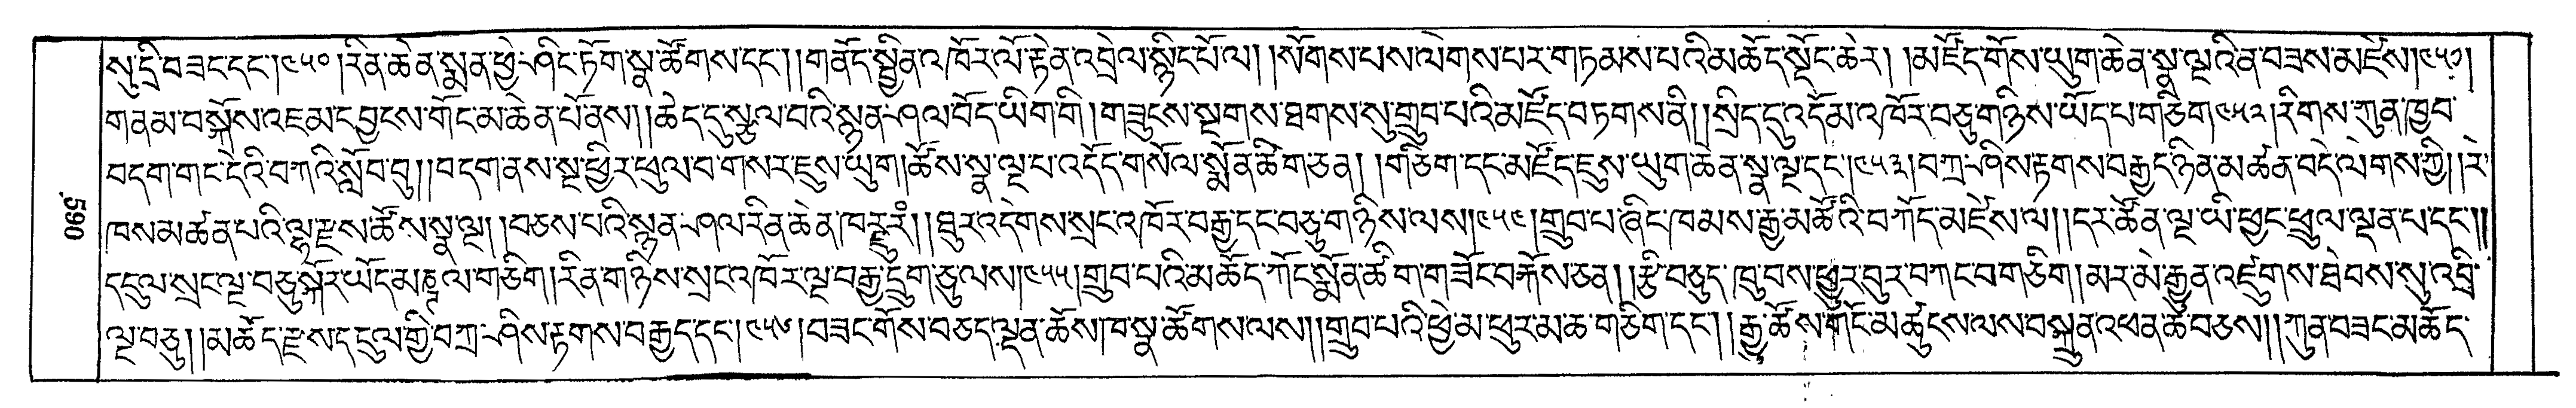སུ་དྲི་བཟང་དང་། ༤༥༠་།རིན་ཆེན་སྨན་ཕྱེ་ཤིང་ཏོག་སྣ་ཚོགས་དང་། །གནོད་སྦྱིན་འཁོར་ལོ་རྟེན་འབྲེལ་སྙིང་པོ་ལ། །སོགས་པས་ལེགས་པར་གཏམས་པའི་མཆོད་སྡོང་ཆེར། །མཛོད་གོས་ཡུག་ཆེན་སྣ་ལྔའི་ན་བཟས་མཛེས། ༤༥༡།
གནམ་བསྐོས་འཇམ་དབྱངས་གོང་མ་ཆེན་པོ་ནས། །ཆེད་དུ་སྩལ་བའི་སྙན་ཤལ་བོད་ཡིག་གི། །གཟུངས་སྔགས་ཐགས་སུ་གྲུབ་པའི་མཛོད་བཏགས་ནི། །སྲིད་དུ་འདོམ་འཁོར་བཅུ་གཉིས་ཡོད་པ་གཅིག ༤༥༢་།རིགས་ཀུན་ཁྱབ་
བདག་གང་དེའི་བཀའི་སློབ་བུ། །བདག་ནས་སྔ་ཕྱིར་ཕུལ་བ་གསེར་ཇུས་ཡུག །ཚོས་སྣ་ལྔ་པ་འདོད་གསོལ་སྨོན་ཚིག་ཅན། །གཅིག་དང་མཛོད་ཇུས་ཡུག་ཆེན་སྣ་ལྔ་དང་། ༤༥༣་།བཀྲ་ཤིས་རྟགས་བརྒྱད་ཉིན་མཚན་བདེ་ལེགས་ཀྱི། །རེ་
ཁས་མཚན་པའི་ལྷ་རྫས་ཚོས་སྣ་ལྔ། །བཅས་པའི་སྙན་ཤལ་རིན་ཆེན་ཁརྫུ་རཾ། །ཐུར་འདེགས་སྲང་འཁོར་བརྒྱ་དང་བཅུ་གཉིས་ལས། ༤༥༤་།གྲུབ་པ་ཞིང་ཁམས་རྒྱ་མཚོའི་བཀོད་མཛེས་ལ། །དར་ཚོན་ལྔ་ཡི་ཕྱང་ཕྲུལ་ལྡན་པ་དང་། །
དངུལ་སྲང་ལྔ་བཅུ་སྐོར་ཡོད་མཎྜལ་གཅིག །རིན་གཉིས་སྲང་འཁོར་ལྔ་བརྒྱ་དྲུག་ཅུ་ལས། ༤༥༥་།གྲུབ་པའི་མཆོད་ཀོང་སྨོན་ཚིག་གཟོང་བརྐོས་ཅན། །རྩི་བཅུད་ཁུ་བས་ཕྱུར་བུར་བཀང་བ་གཅིག །མར་མེ་རྒྱུན་འཛུགས་ཐེབས་སུ་འབྲི་
ལྔ་བཅུ། །མཆོད་རྫས་དངུལ་གྱི་བཀྲ་ཤིས་རྟགས་བརྒྱད་དག། ༤༥༦་།བཟང་གོས་བཅད་ལྡན་ཚོས་ཁ་སྣ་ཚོགས་ལས། །གྲུབ་པའི་ཕྱེ་མ་ཕུར་མ་ཆ་གཅིག་དང་། །རྒྱུ་ཚོས་གོང་མཚུངས་ལས་བསྐྲུན་འཕན་ཆ་བཅས། །ཀུན་བཟང་མཚོད་